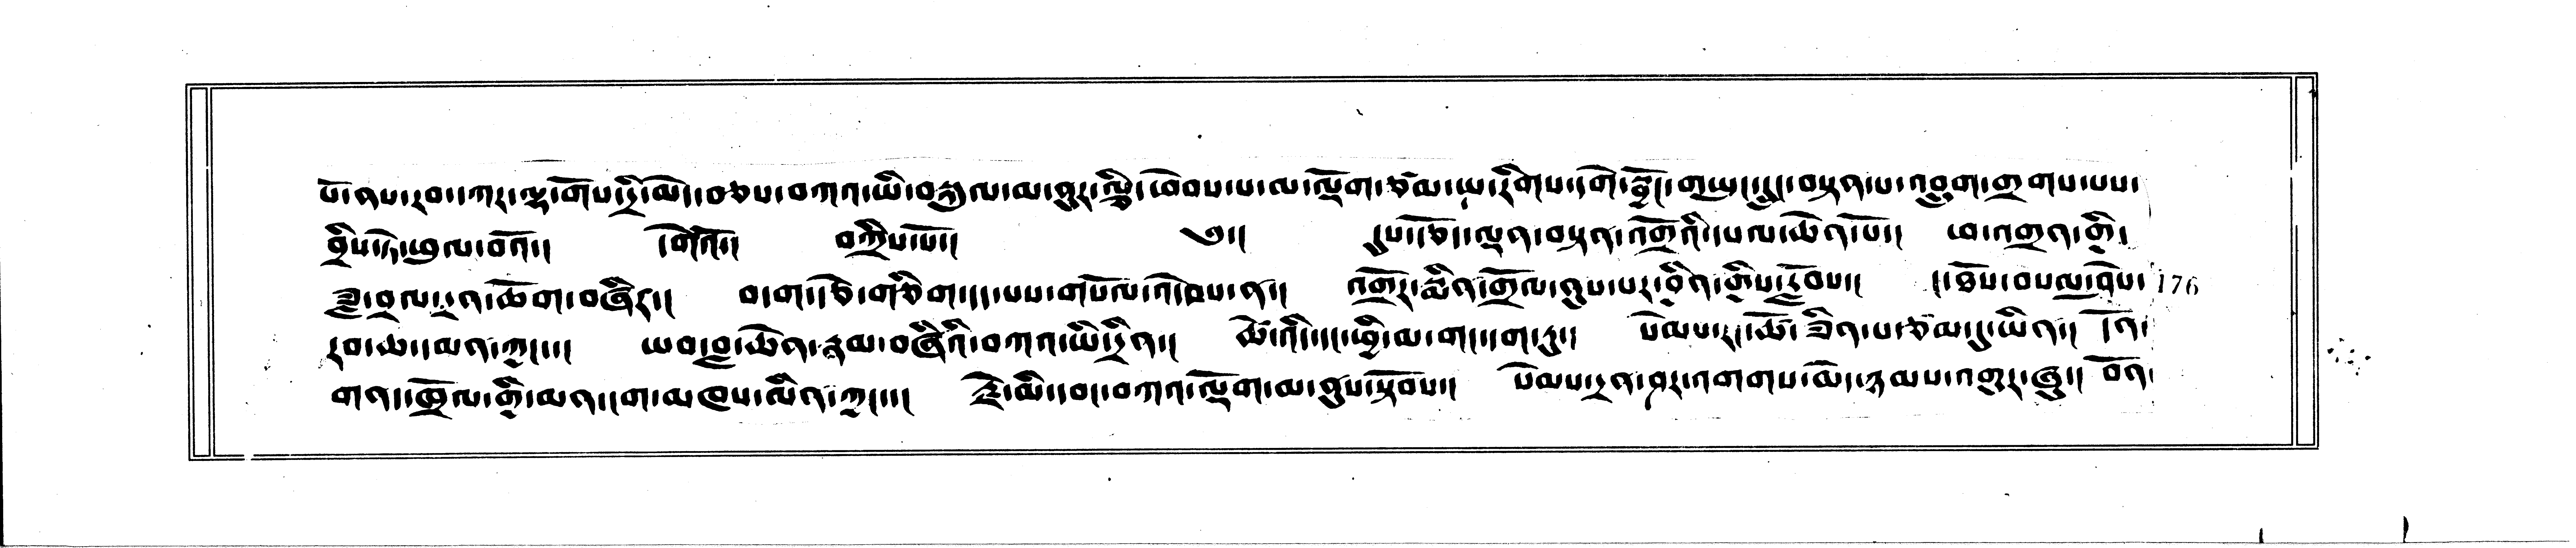པོ་ནས་རབ་དཀར་ལྷ་གོས་དྲི་མེད་བཅས་བཀའ་ཡི་བསྐུལ་མ་ནུར་ལྕི་ཕེབས་པ་མ་ལྡོག་ཙམ་སྤ་རིགས་དགེ་སྦྱོང་གཡུང་དྲུང་བསྟན་པ་འབྲུག་གྲགས་པས་
བྲིས་ཏེ་ཕུལ་བའོ།། །།དགེའོ། བཀྲ་ཤིས་སོ། །༄༅།། དུས་རྩོད་ལྡན་བསྟན་འགྲོའི་དཔལ་ཆེན་པོ། །ཕ་འགྲན་གྱི་
ཟླ་བྲལ་དྲན་ཆོག་བཞིར། །བདག་རྩེ་གཅིག་དད་པས་གསོལ་འདེབས་ན། །འགྲོར་སྨན་གྲོལ་ནུས་པར་བྱིན་གྱིས་རློབས། །ང་ཐོས་བསམ་ཤེས་
རབ་ཆ་དམན་ཡང་། །ཡབ་བླ་ཆེན་རྣམ་བཞིའི་བཀའ་ཡི་དྲིན། །ཕྱི་འདི་དང་ཕྱི་མ་གང་དག་ཏུ། །སེམས་རང་ཚོ་ཟིན་པ་ཙམ་དུ་ཡིན། །དོན་
གནད་ཁྲོལ་གྱི་མན་ངག་མཁས་མིན་ཀྱང་། །རྗེ་མི་དབང་བཀའ་ལྡོག་མ་ནུས་སྟོབས། །སེམས་དྲན་ཤར་འགག་མེད་ཉམས་འགུར་ཞུ། །བོན་